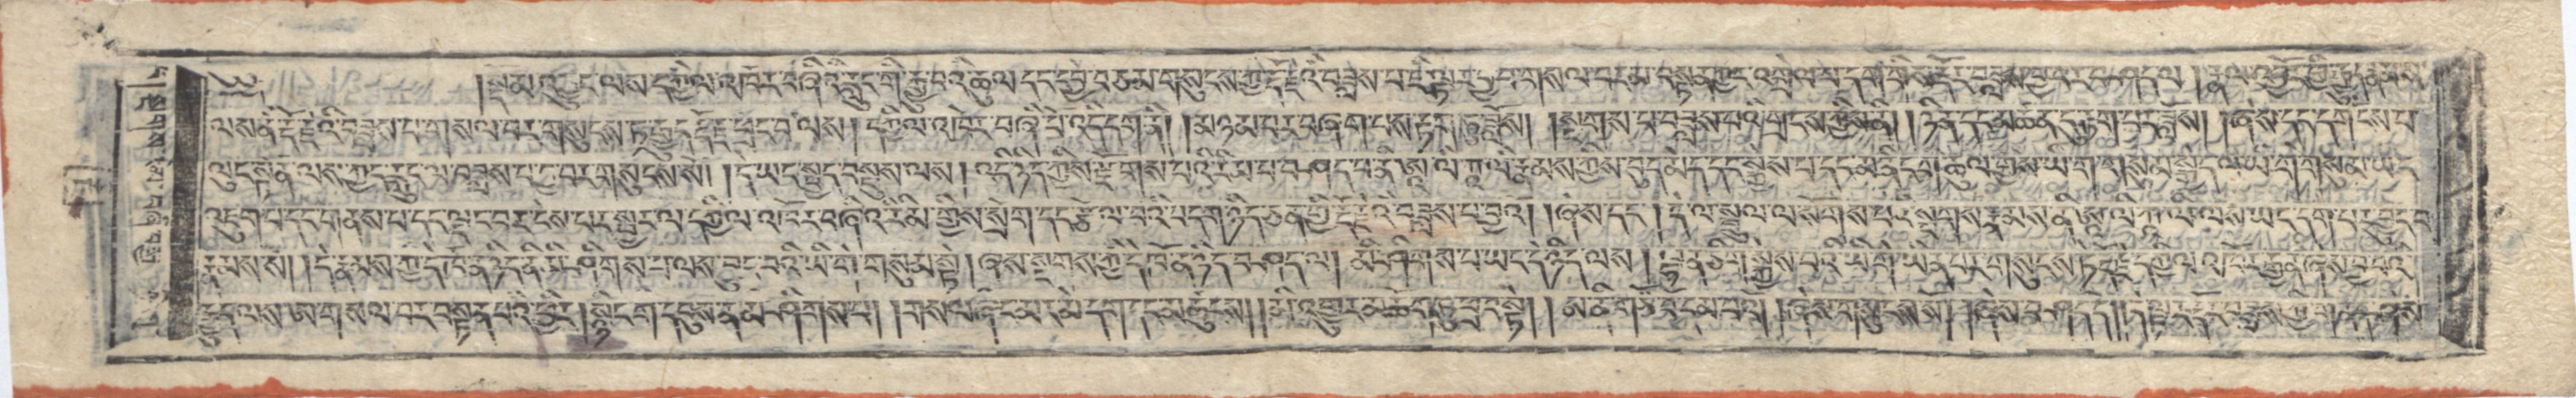༄༅། །སྡོམ་འབྱུང་ལས་དཀྱིལ་འཁོར་བཞིའི་རླུང་གི་རྒྱུ་བའི་ཚུལ་དང་དབྱེ་བ་ཙམ་གསུངས་ཀྱི་རྡོ་རྗེའི་བཟླས་པ་ཇི་ལྟར་བྱ་བ་གསལ་བར་མ་བསྟན་ཀྱང་འགྲེལ་པ་དག་གིས་རྡོར་བཟླས་བྱ་བར་བཤད་ལ། རྣལ་འབྱོར་གྱི་རྒྱུད་རྣམས་
ལས་ནི་རྡོ་རྗེའི་བཟླས་པ་གསལ་བར་གསུངས་ཏེ་རྒྱུད་རྡོ་རྗེ་ཕྲེང་བ་ལས། དཀྱིལ་འཁོར་བཞི་པོ་འདི་དག་ནི། །མཉམ་པར་བཞག་པས་རྟག་ཏུ་ཟློས། །སྔགས་པ་བཟླས་པའི་གྲངས་ཀྱིས་ནི། །ཉིན་དང་མཚན་དུ་རྟག་པར་ཟློས། །ཞེས་དང་དགོངས་པ་
ལུང་སྟོན་ལས་ཀྱང་རླུང་ལ་བཟླས་པ་བྱ་བར་གསུངས་སོ། །དེ་ཡང་སྤྱད་བསྡུས་ལས། འདི་ཉིད་ཀྱིས་རྫོགས་པའི་རིམ་པ་བཤད་པ་ནི་ཨཱ་ལི་ཀཱ་ལི་རྣམས་ཀྱིས་བུད་མེད་དང་སྐྱེས་པ་དང་མ་ནིང་གི་ཚུལ་གྱིས་ཡི་གེ་གསུམ་སྐྱེད་ལ་ཡི་གེ་གསུམ་ཡང་
འཇུག་པ་དང་གནས་པ་དང་ལྡང་བར་ངེས་པར་སྦྱར་ལ་དཀྱིལ་འཁོར་བཞིའི་རིམ་གྱིས་སྲོག་དང་རྩོལ་བའི་བདག་ཉིད་ཅན་གྱི་རྡོ་རྗེའི་བཟླས་པ་བྱའོ། །ཞེས་དང་། དེ་ལ་སྦྲུལ་ལ་སོགས་པའི་སྔགས་རྣམས་ནི་ཨཱ་ལི་ཀཱ་ལི་ལས་ཡང་དག་པར་བྱུང་བ་
རྣམས་སོ། །དེ་རྣམས་ཀྱི་དེ་ཁོ་ན་ཉིད་ནི་མི་ཤིགས་པ་ལས་བྱུང་བའི་ཡི་གེ་གསུམ་སྟེ། ཞེས་སྔགས་ཀྱི་དེ་ཁོ་ན་ཉིད་བཤད་ལ། མི་ཤིགས་པ་ཡང་དེ་ཉིད་ལས། ལྷན་ཅིག་སྐྱེས་པའི་ཡི་གེ་ཡིན་པར་གསུངས་ཏེ་རྡོ་རྗེ་དཀྱིལ་འཁོར་རྒྱན་ཞེས་བྱ་བའི་
རྒྱུད་ལས་ཨ་གསལ་བར་བསྟན་པའི་ཕྱིར། སྙིང་གི་དབུས་ན་མི་ཤིགས་པ། །གསལ་ཞིང་མར་མེ་དག་དང་མཚུངས། །མི་འགྱུར་མཆོག་ཏུ་ཕྲ་བ་སྟེ། །ཨ་ནི་གཙོ་བོ་དམ་པའོ། །ཞེས་གསུངས་སོ། །ཞེས་བཤད་དོ། །དེ་ལྟར་རྡོར་བཟླས་ཀྱི་གནད་ཤེས་